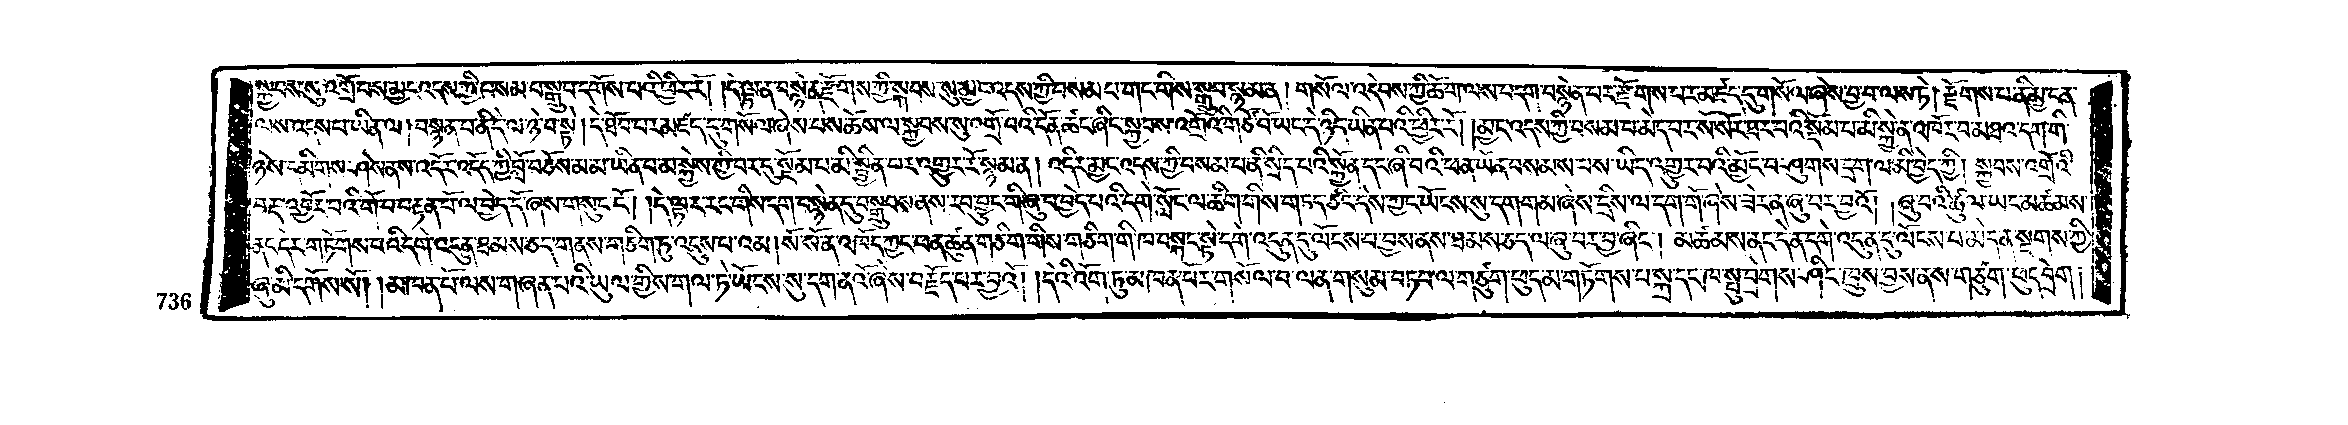སྐྱབས་སུ་འགྲོ་བས་མྱང་འདས་ཀྱི་བསམ་བསྒྲུབ་དགོས་པའི་ཕྱིར་རོ། །དེ་ལྟ་ན་བསྙེན་རྫོགས་ཀྱི་སྐབས་སུ་མྱང་འདས་ཀྱི་བསམ་པ་གང་གིས་སྒྲུབ་སྙམ་ན། གསོལ་འདེབས་ཀྱི་ཆོ་ག་ལས་བདག་བསྙེན་པར་རྫོགས་པར་མཛད་དུ་གསོལ་ཞེས་བྱ་བ་ལས་ཏེ། རྫོགས་པ་ནི་མྱ་ངན་
ལས་འདས་པ་ཡིན་ལ། བསྙན་པ་ནི་དེ་ལ་ཉེ་བ་སྟེ། དེ་ཐོབ་པར་མཛད་དུ་གསོལ་ཞེས་པས་ཆོས་ལ་སྐྱབས་སུ་འགྲོ་བའི་དོན་ཚང་ཞིང་སྐྱབས་འགྲོའི་གཙོ་བོ་ཡང་དེ་ཉིད་ཡིན་པའི་ཕྱིར་རོ། །མྱང་འདས་ཀྱི་བསམ་པ་མེད་པར་སོ་སོར་ཐར་པའི་སྡོམ་པ་མི་སྐྱེ་ན་འཁོར་བ་མཐའ་དག་གི་
ཉེས་དམིགས་ཤེས་ནས་འདོར་འདོད་ཀྱི་བློ་བཅོས་མ་མ་ཡིན་པ་མ་སྐྱེས་ཀྱི་བར་དུ་སྡོམ་པ་མི་སྦྱིན་པར་འགྱུར་རོ་སྙམ་ན། འདིར་མྱང་འདས་ཀྱི་བསམ་པ་ནི་སྲིད་པའི་སྐྱོན་དང་ཞི་བའི་ཕན་ཡོན་བསམས་པས་ཡིད་འགྱུར་བའི་མྱོང་བ་ཤུགས་དྲག་ལ་མི་བྱེད་ཀྱི། སྐྱབས་འགྲོའི་
བརྡ་འབྱོར་བའི་གོ་བ་བརྟན་པོ་ལ་བྱེད་དོ་ཞས་གསུང་ངོ། །དེ་ལྟར་རང་གིས་དག་བསྙེན་དུ་བསྒྲུབས་ནས་རབ་བྱུང་གི་ཞུ་བ་བྱེད་པའི་དགེ་སློང་ལ་ཚིག་གིས་གཏད་ཅིང་དེས་ཀྱང་ཡོངས་སུ་དག་གམ་ཞེས་དྲིས་ལ་དག་གོ་ཞེས་ཟེར་ན་ཞུ་བར་བྱའོ། །ཞུ་བའི་ཚུལ་ཡང་མཚམས་
ནང་དེར་གཏོགས་པའི་དགེ་འདུན་ཐམས་ཅད་གནས་གཅིག་ཏུ་འདུས་པ་འམ། སོ་སོ་ན་འཁོད་ཀྱང་ཕན་ཚུན་གཅིག་གིས་གཅིག་གི་ཁ་བསྐང་སྟེ་དགེ་འདུན་དུ་ལོངས་པ་བྱས་ནས་ཐམས་ཅད་ལ་ཞུ་བར་བྱ་ཞིང་། མཚམས་ནང་དེ་ན་དགེ་འདུན་དུ་ལོངས་པ་མེད་ན་སྔགས་ཀྱི་
ཞུ་མི་དགོས་སོ། །མཁན་པོ་ལས་གཞན་པའི་ཡུལ་གྱིས་གལ་ཏེ་ཡོངས་སུ་དག་ནའོ་ཞེས་བརྗོད་པར་བྱའོ། །དེའི་འོག་ཏུ་མཁན་པོར་གསོལ་བ་ལན་གསུམ་བཏབ་ལ་གཙུག་ཕུད་མ་གཏོགས་པ་སྐྲ་དང་ཁ་སྤུ་བྲེགས་ཤིང་ཁྲུས་བྱས་ནས་གཙུག་ཕུད་བྲེག ༑